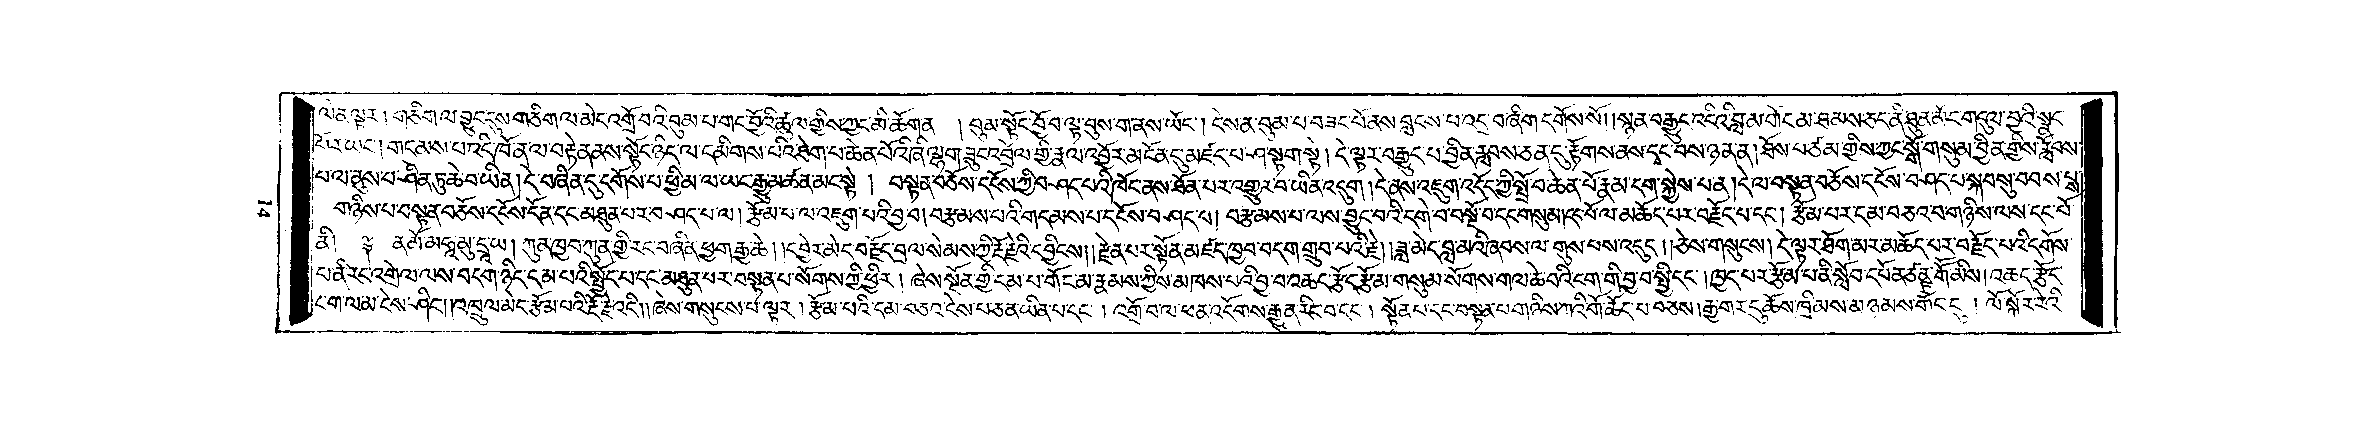ལེན་ལྟར། གཅིག་ལ་བྱུང་དུས་གཅིག་ལ་མེད་འགྲོ་བའི་བུམ་པ་གང་བྱོའི་ཚུལ་གྱིས་ཀྱང་མི་ཆོག་ན། བུམ་སྟོང་བྱོ་བ་ལྟ་བུས་ག་ནས་ཡོང་། དེས་ན་བུམ་པ་བཟང་པོ་ནས་བླངས་པ་འདྲ་བ་ཞིག་དགོས་སོ། །སྙན་བརྒྱུད་འདིའི་བླ་མ་གོང་མ་ཐམས་ཅད་ནི་ཐུན་མོང་གདུལ་བྱའི་སྣང་
པོར་ཡང་། གདམས་པ་འདི་ཁོ་ན་ལ་བརྟེན་ནས་སྟོང་ཉིད་ལ་དམིགས་པའི་ཐེག་པ་ཆེན་པོའི་ཞི་ལྷག་ཟུང་འབྲེལ་གྱི་རྣལ་འབྱོར་མངོན་དུ་མཛད་པ་ཤ་སྟག་སྟེ། དེ་ལྟར་བརྒྱུད་པ་བྱིན་རླབས་ཅན་དུ་རྟོགས་ནས་དྭང་བས་ཉན་ན། ཐོས་པ་ཙམ་གྱིས་ཀྱང་སྒོ་གསུམ་བྱིན་གྱིས་རློབས་
པ་ལ་ནུས་པ་ཤིན་ཏུ་ཆེ་བ་ཡིན། དེ་བཞིན་དུ་དགོས་པ་ཕྱི་མ་ལ་ཡང་རྒྱུ་མཚན་མང་སྟེ། བསྟན་བཅོས་དངོས་ཀྱི་བཤད་པའི་ཁོང་ནས་ཐོན་པར་འགྱུར་བ་ཡིན་འདུག །དེ་ནས་འཇུག་འདོད་ཀྱི་སྤྲོ་བ་ཆེན་པོ་རྣམ་དག་སྐྱེས་པ་ན། དེ་ལ་བསྟན་བཅོས་དངོས་བཤད་པ་སྐབས་སུ་བབས་པས་
གཉིས་པ་བསྟན་བཅོས་དངོས་དོན་དང་མཐུན་པར་བཤད་པ་ལ། རྩོམ་པ་ལ་འཇུག་པའི་བྱ་བ། བརྩམས་པའི་གདམས་པ་དངོས་བཤད་པ། བརྩམས་པ་ལས་བྱུང་བའི་དགེ་བ་བསྔོ་བ་དང་གསུམ། དང་པོ་ལ་མཆོད་པར་བརྗོད་པ་དང་། རྩོམ་པར་དམ་བཅའ་བ་གཉིས་ལས་དང་པོ་
ནི། ༈ ན་མོ་མཧཱ་མུ་དྲཱ་ཡ། ཀུན་ཁྱབ་ཀུན་གྱི་རང་བཞིན་ཕྱག་རྒྱ་ཆེ། །དབྱེར་མེད་བརྗོད་བྲལ་སེམས་ཀྱི་རྡོ་རྗེའི་དབྱིངས། །རྫེན་པར་སྟོན་མཛད་ཁྱབ་བདག་གྲུབ་པའི་རྗེ། །ཟླ་མེད་བླ་མའི་ཞབས་ལ་གུས་པས་འདུད། །ཅེས་གསུངས། དེ་ལྟར་ཐོག་མར་མཆོད་པར་བརྗོད་པའི་དགོས་
པ་ནི་རང་འགྲེལ་ལས་བདག་ཉིད་དམ་པའི་སྤྱོད་པ་དང་མཐུན་པར་བསྟན་པ་སོགས་ཀྱི་ཕྱིར། ཞེས་སྔོན་གྱི་དམ་པ་གོང་མ་རྣམས་ཀྱིས་མཁས་པའི་བྱ་བ་འཆད་རྩོད་རྩོམ་གསུམ་སོགས་གལ་ཆེ་བའི་ངག་གི་བྱ་བ་སྤྱི་དང་། ཁྱད་པར་རྩོམ་པ་ནི་སློབ་དཔོན་ཙནྟྲ་གཽ་མིས། འཆད་རྩོད་
ངག་ལ་མ་ངེས་ཤིང་། །འཁྲུལ་མེད་རྩོམ་པའི་རྡོ་རྗེ་འདི། །ཞེས་གསུངས་པ་ལྟར། རྩོམ་པའི་དམ་བཅའ་ངེས་པ་ཅན་ཡིན་པ་དང་། འགྲོ་བ་ལ་ཕན་འདོགས་རྒྱུན་རིང་བ་དང་། སྟོན་པ་དང་བསྟན་པ་གཉིས་ཀའི་གོ་ཆོད་པ་བཅས། རྒྱ་གར་དུ་ཆོས་ཁྲིམས་མ་ཉམས་གོང་དུ། ལོ་སྐོར་རེའི་